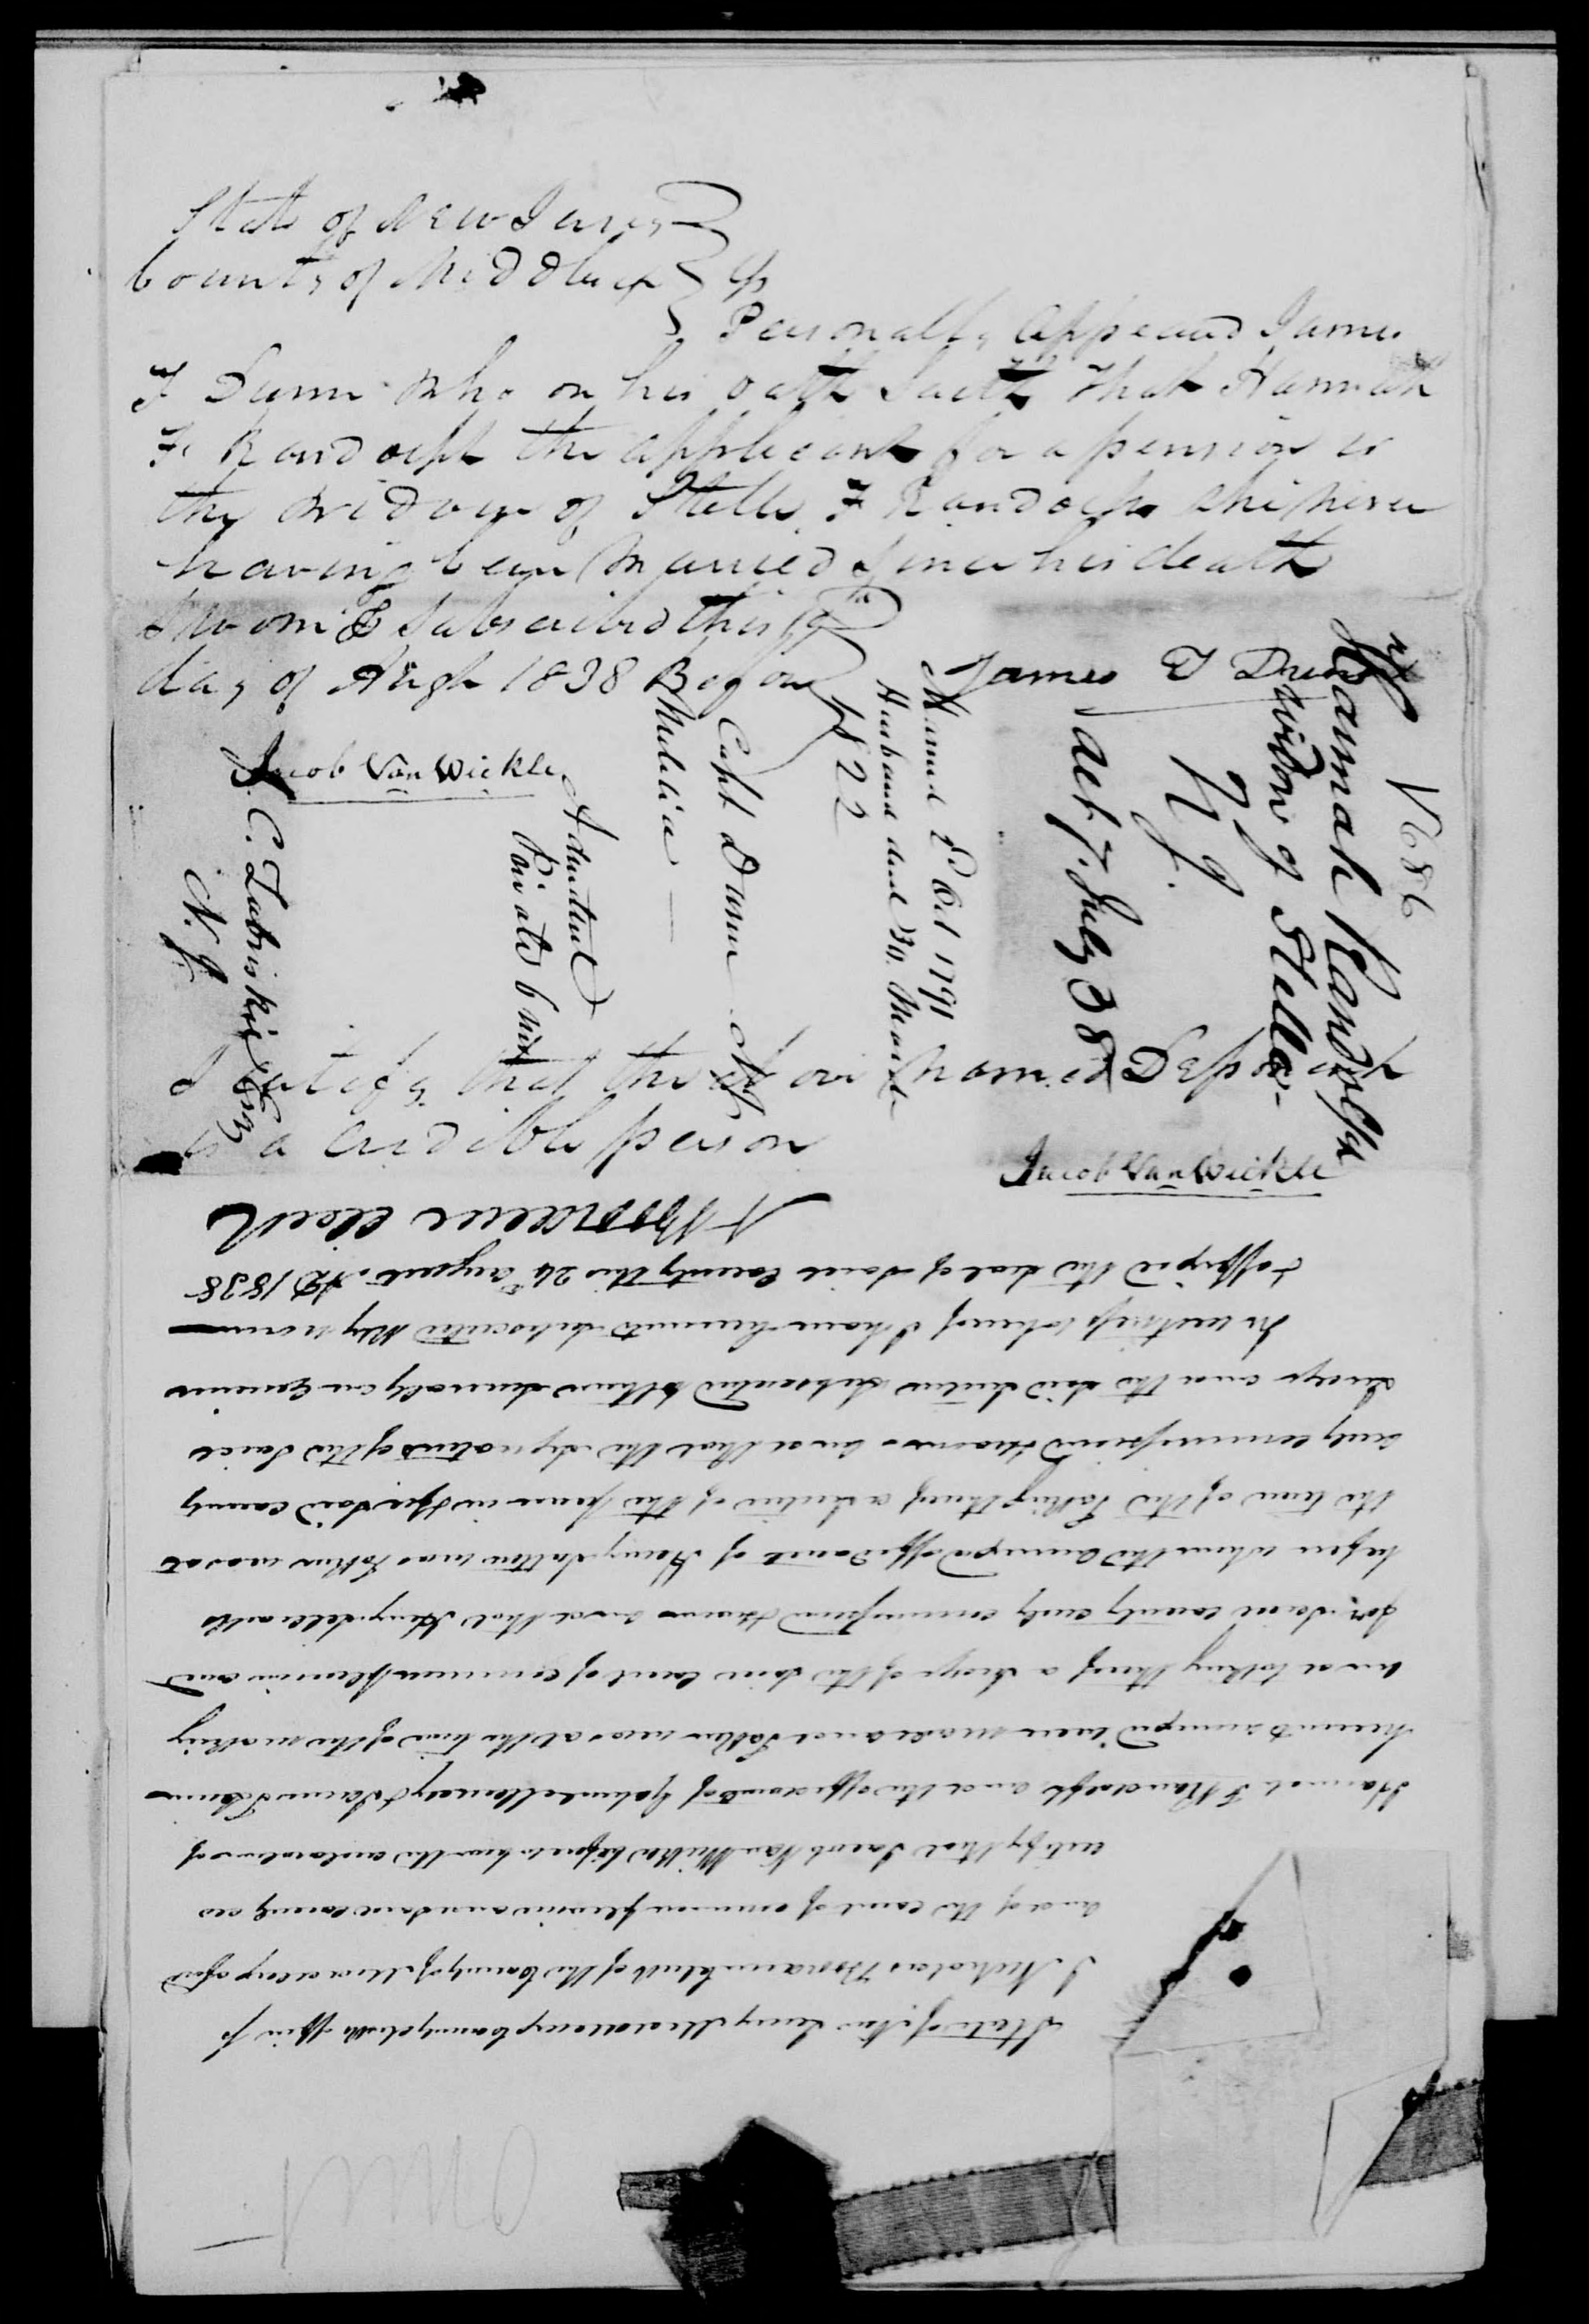(section of page right side up and illegible.
Another section is side ways.
Bottom section is upside down.)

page: 13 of 33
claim: widow's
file: W. 5,665, for Stelle F Randolph, New Jersey